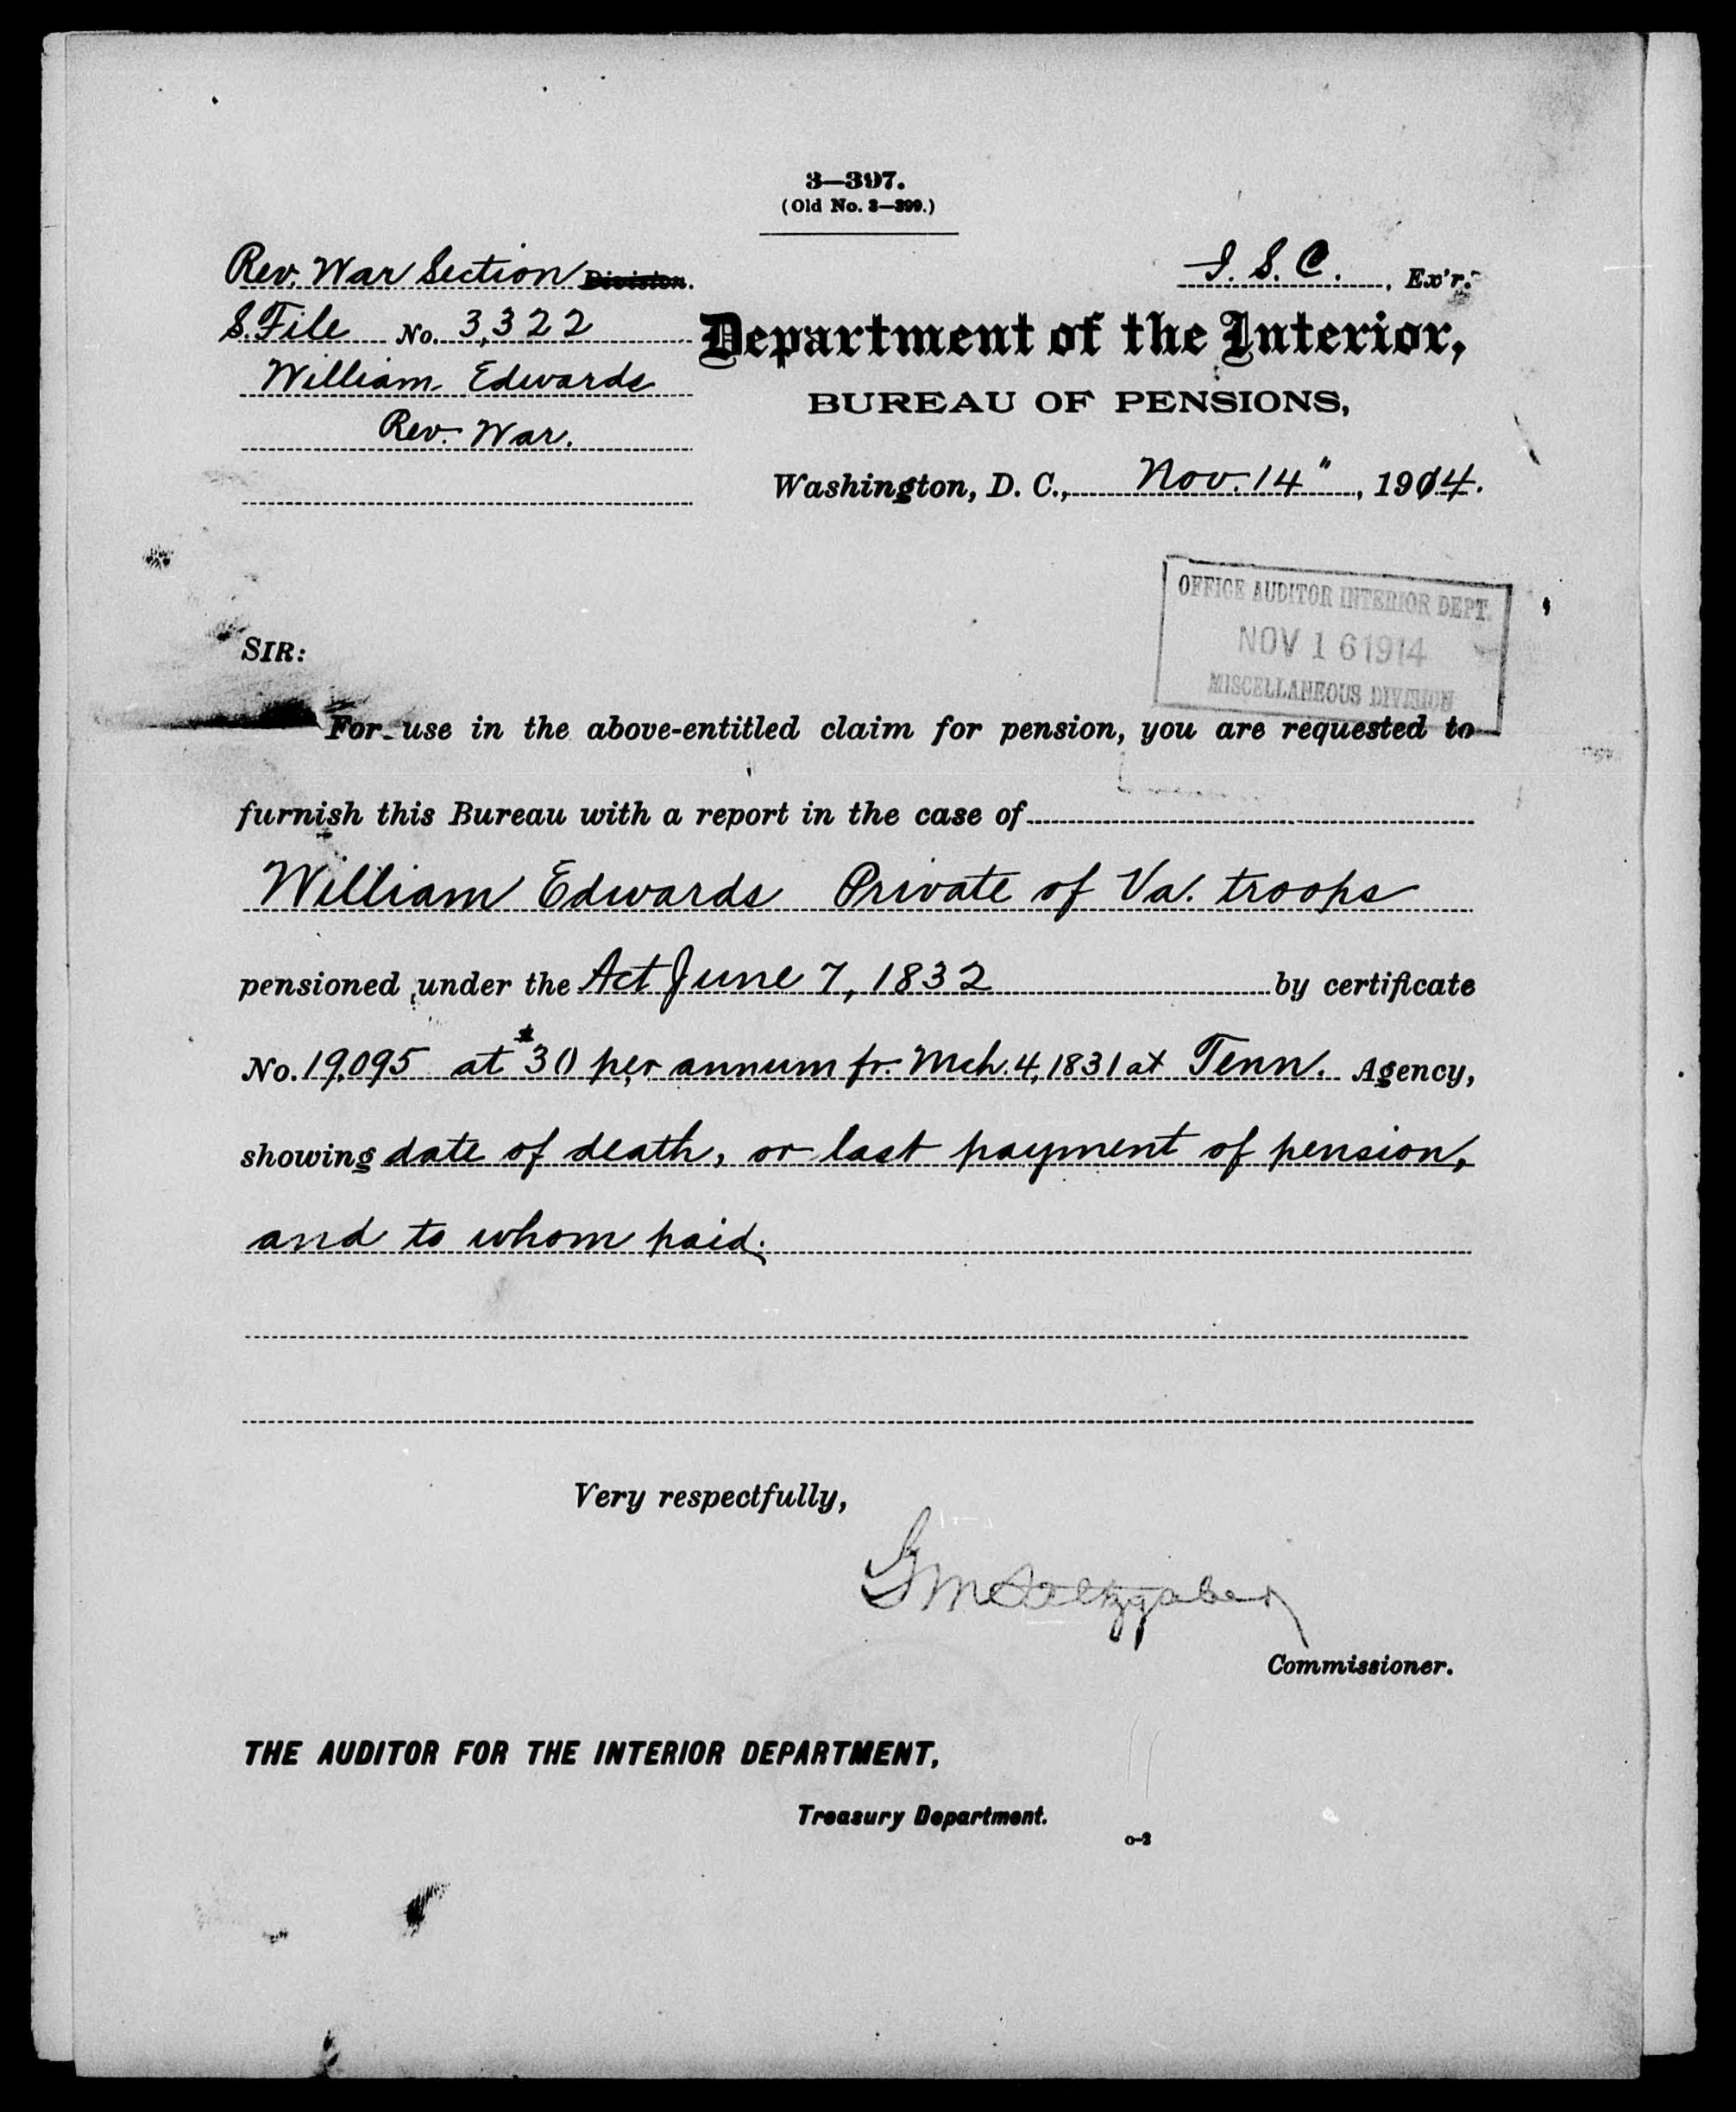[printed form filled in by hand]
3 - 397.
( Old No. 3 -- 399.)
Rev. War Section S. File No. 3,322
S. File No. 3,322
William Edwards
Rev. War.
I.S.C., Ex'r.
Department of the Interior,
BUREAU OF PENSIONS,
Washington, D. C., Nov. 14, 1914.

OFFICE AUDITOR INTERIOR DEPT.
NOV 16 1914
MISCELLANEOUS DIVISION

Sir:
For use in the above-entitled claim for pension, you are requested to furnish this Bureau with a report in the case of William Edwards Private of Va. troops pensioned under the Act June 7, 1832
by certificate No. 19,095 at $30 per annum fr. Mch. 4, 1831 at Tenn. Agency, showing date of death, or last payment of pension, and to whom paid.
Very respectfully,
G M Saltzgaber Commissioner.
THE AUDITOR FOR THE INTERIOR DEPARTMENT.
Treasury Department.
o-2[?]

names: G M Saltzgaber, William Edwards, William Edwards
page: 46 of 47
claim: survivor's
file: S. 3,322, William Edwards, Va.